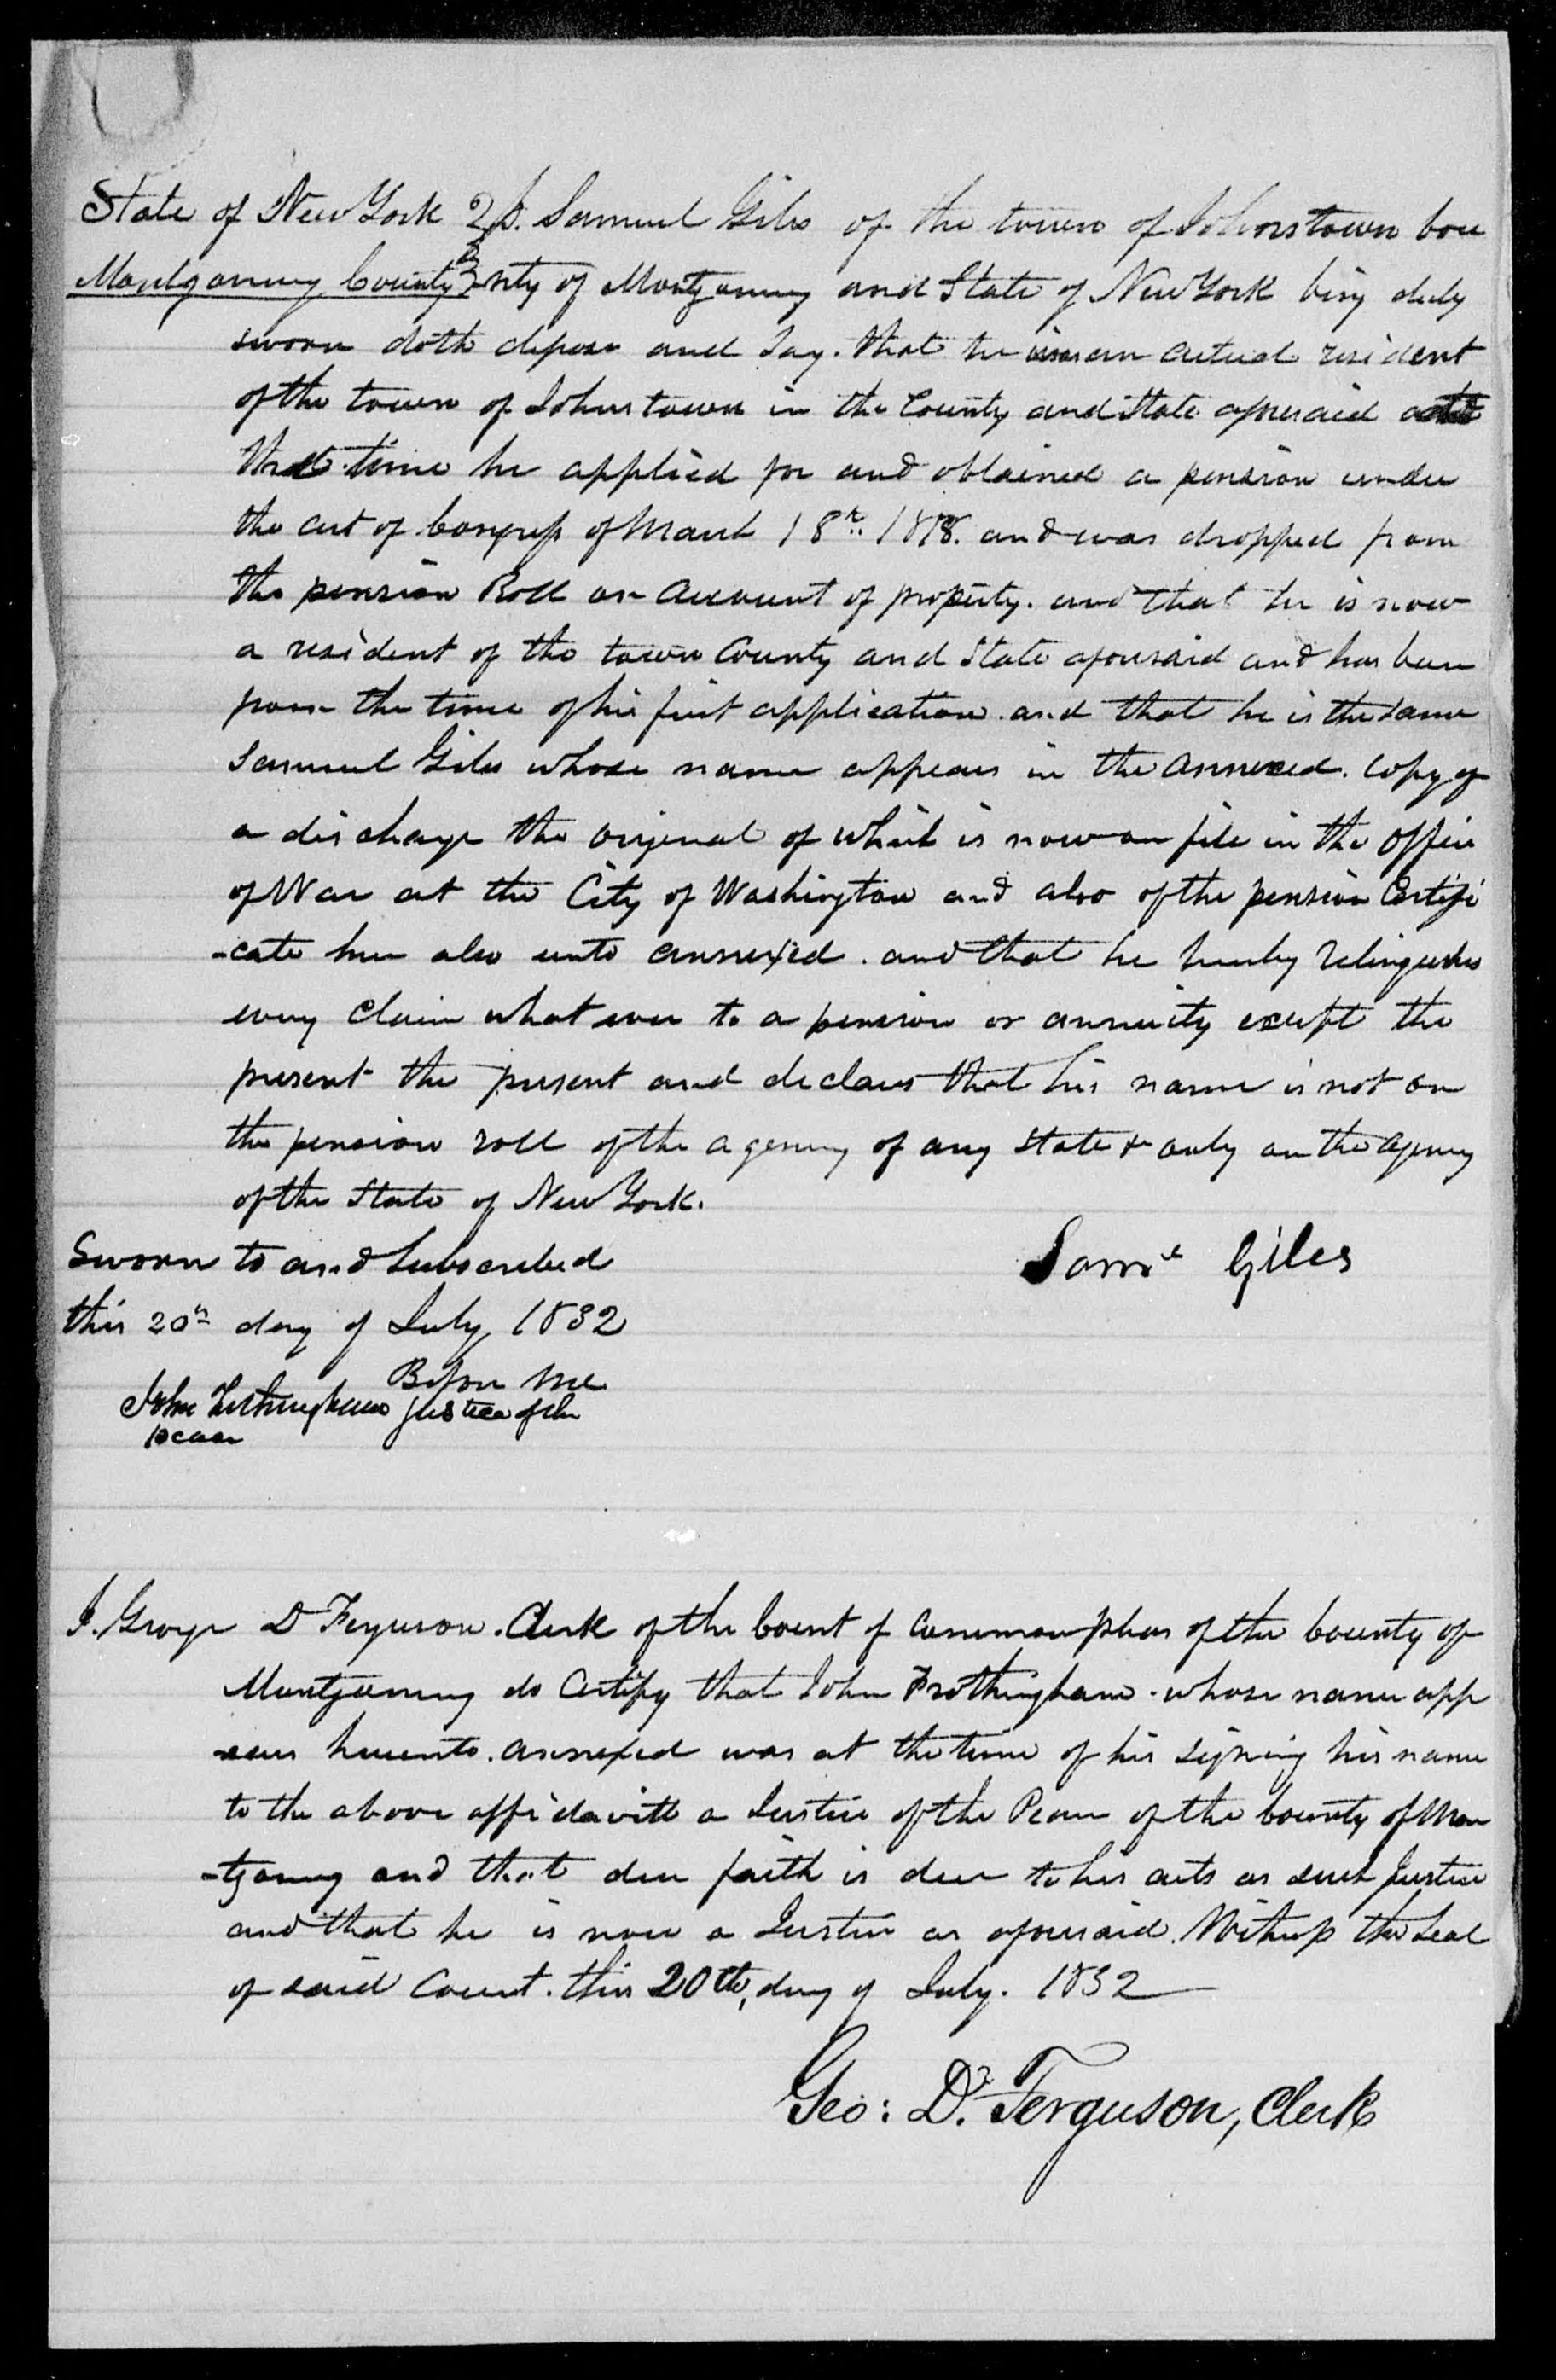[handwritten]
State of New York 
Mongtomery County
Samuel Giles of the [illegible] of Johnstown County of Mongomery and State of New York being duly sworn doth depose and say that he is an actual resident of the town of Johnstown in the County and state aforesaid [crossed out] [illegible] time he applied for and obtained a pension under the act of Congress of March 18th 1818 and was dropped from the pension Roll on account of property and that he is now a resident of the town County and State aforesaid and has been from the time of his first applications and that he is the same Samuel Giles whose name appears in the annexed copy of a discharge the original of which is now on file in the Office of War at the City of Washington and also of the pension Certificate here also unto annexed and that he hereby relinquishes any claim whatever to a pension or annuity except the  present the present and declares that his name is not on the pension roll of the agency of any State and only on the agency of the State of New York. 
Saml Giles

Sworn to and Subscribed
this 20th day of July 1832
Before me
John Frothingham 
Justice of the peace

I George D Ferguson. Clerk of the Count[y] of [illegible] of the County of Montgomery do Certify that John Frothingham whose name appears hereunto annexed was at the time of his signing his name to the above affidavit a Justice of the Peace of the County of Montgomery and that due faith is due to his acts as such Justice.  of said Court. this 20th, day of July 1832    
Geo. D. Ferguson, Clerk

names: Geo D Ferguson, John Frothingham, Saml Giles, Samuel Giles, George D Ferguson, Samuel Giles, John Frothingham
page: 51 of 55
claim: widow's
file: W. 19503, Samuel Giles, Conti. Mass. New York